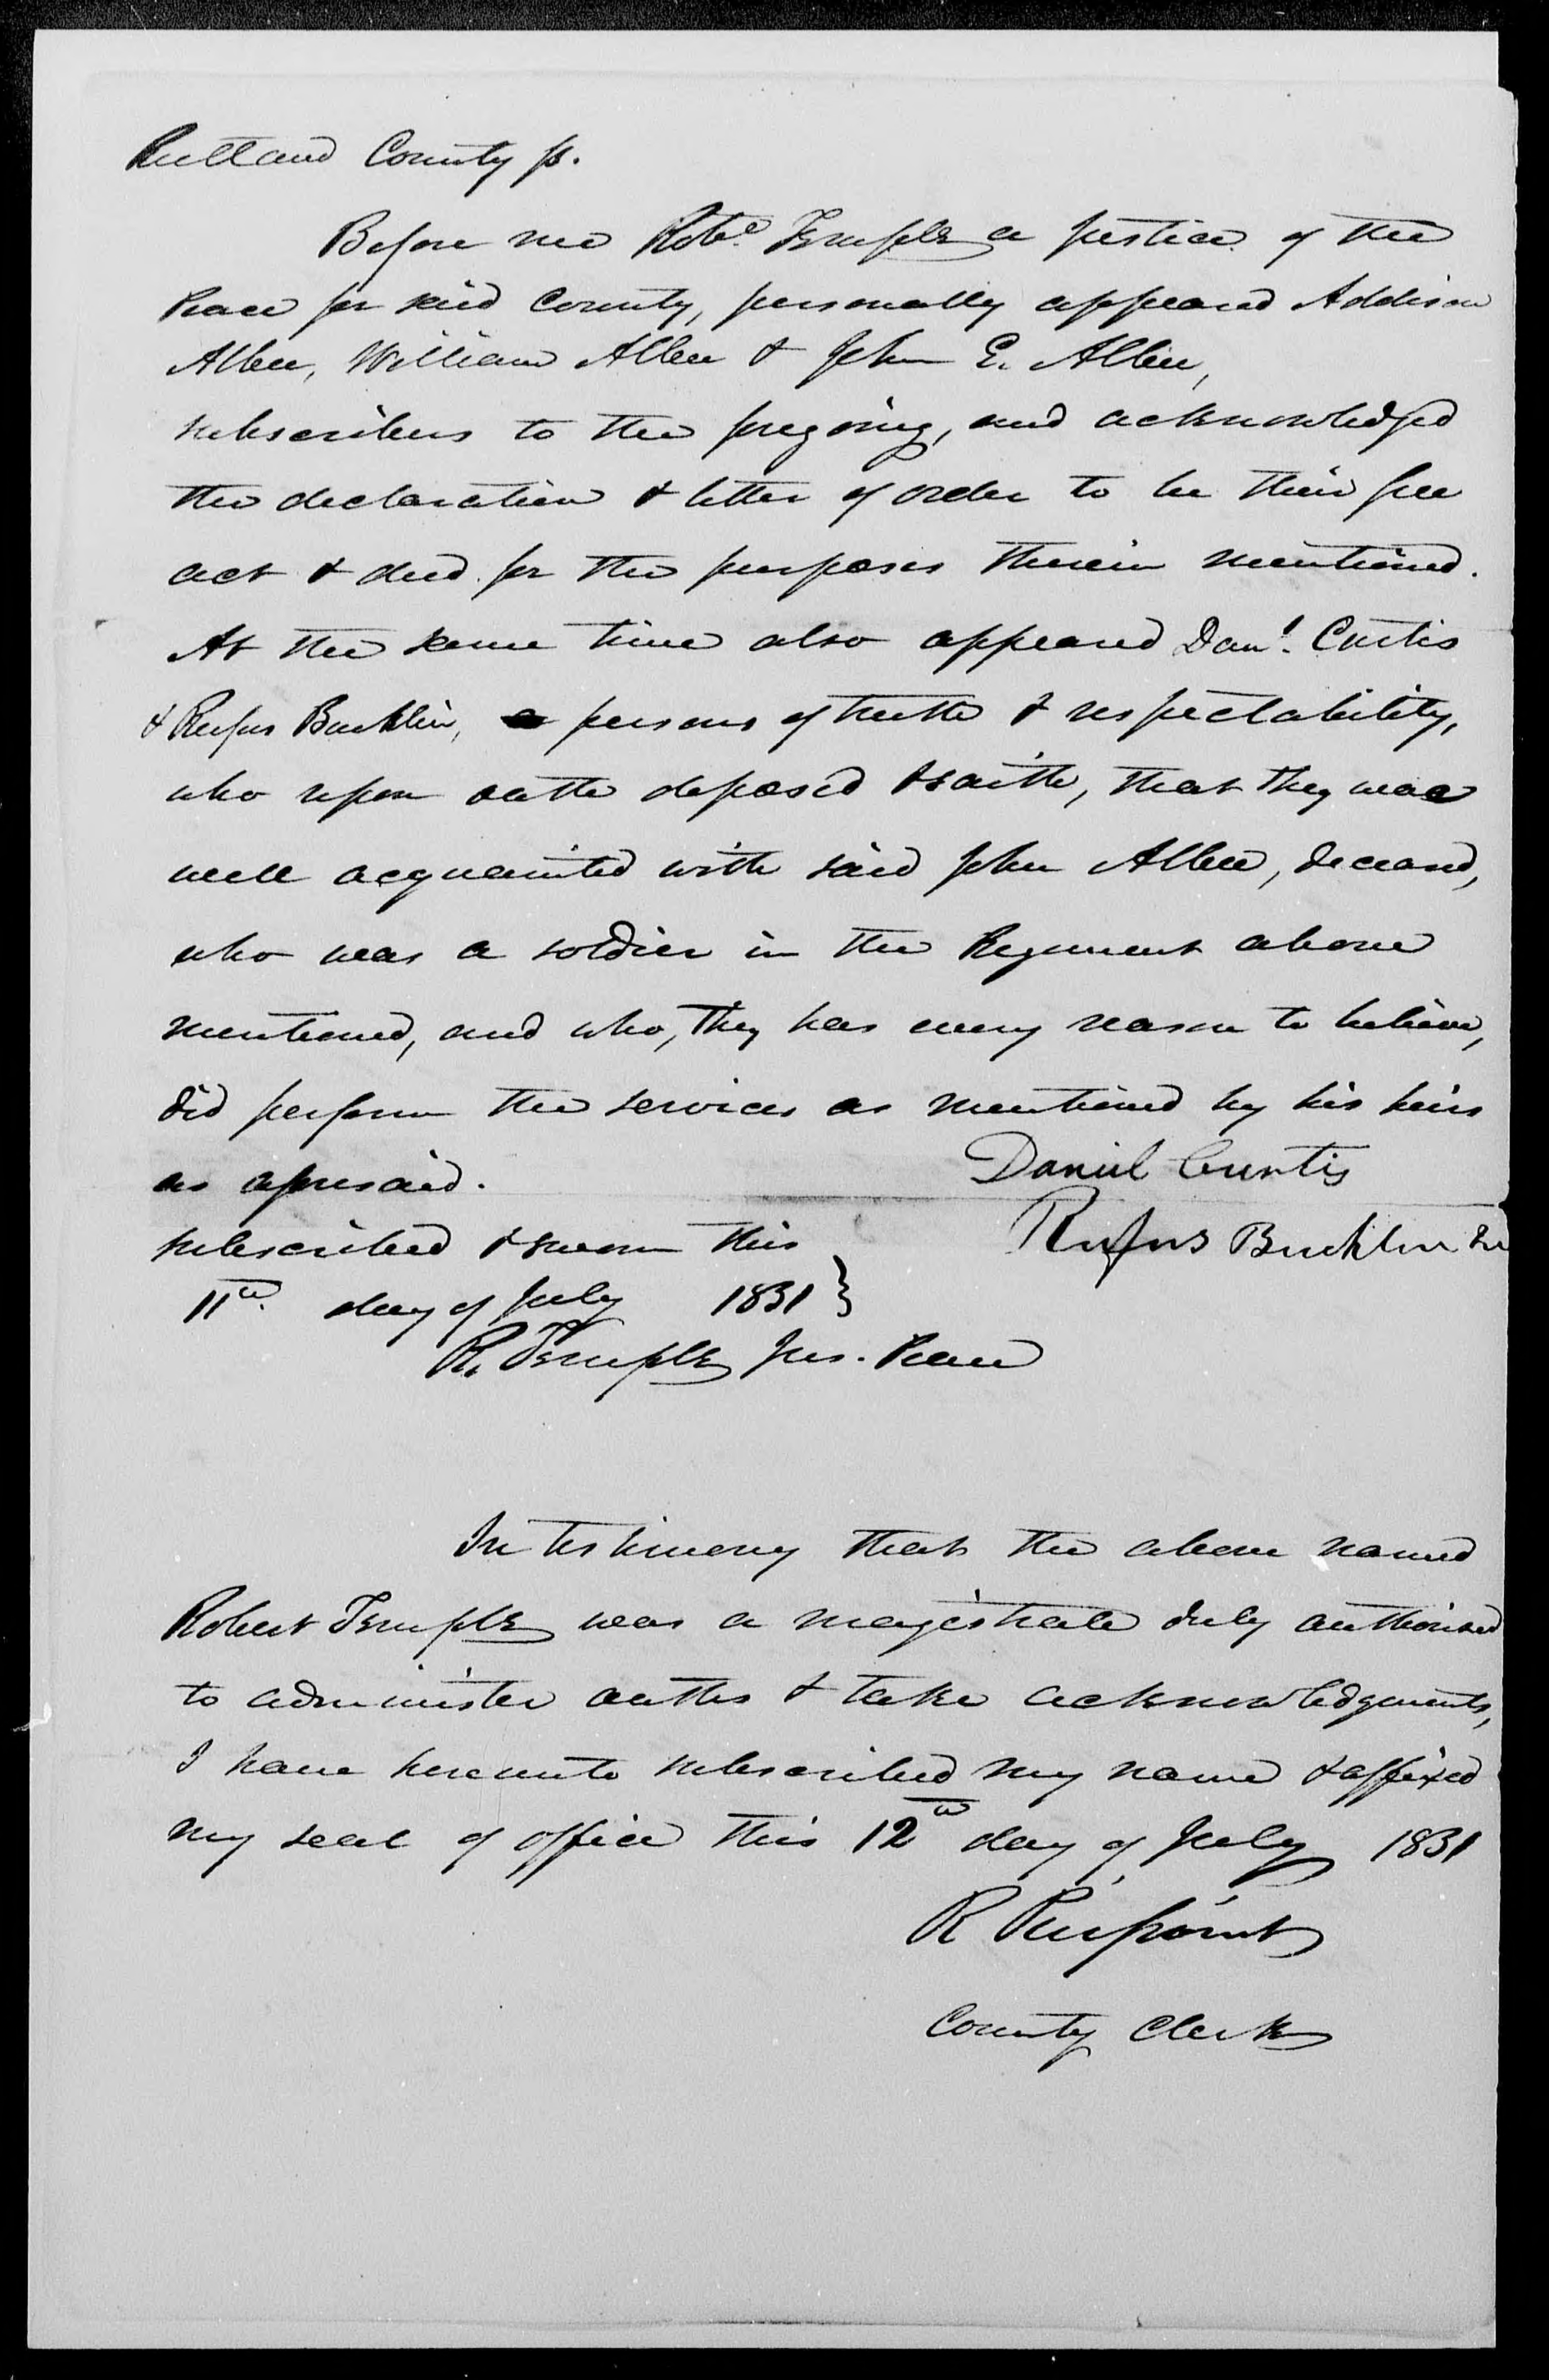Rutland County ss 
Before me Robt Temple a Justice of the Peace for said County, personally appeared Addison Albee, William Albee & John E. Albee subscribers to the foregoing, and acknowledged the declaration & letter of order to be their free act & deed for the purposes therein mentioned 

At the same time also appeared Danl Curtis & Rufus Bucklin, persons of truth & respectability, who upon oath deposed & saith, that they was well acquainted with said John Albee, deceased who was a soldier in the Regiment above mentioned, and who, they has every reason to believe did perform the services as mentioned by his heirs as aforesaid 
Daniel Curtis
Rufus Bucklin
 
Sworn & subscribed this  11th day of July 1831 ⎬
 R. Temple Jus. Peace 

In testimony that the above named Robert Temple was a magistrate duly authorized to administer oaths & take acknowledgments I have hereunto subscribed my name & affixed my seal of office this 12 day of July 1831 - 
R Pierpoint County Clerk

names: Robt Temple, Rufus Bucklin, Robert Temple, Daniel Curtis, R Pierpoint, Rufus Bucklin, Danl Curtis, John E Albee, R Temple, William Albee, Addison Albee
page: 8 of 29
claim: survivor's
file: S 41404, Eleazer John Albee, Mass. Privateer